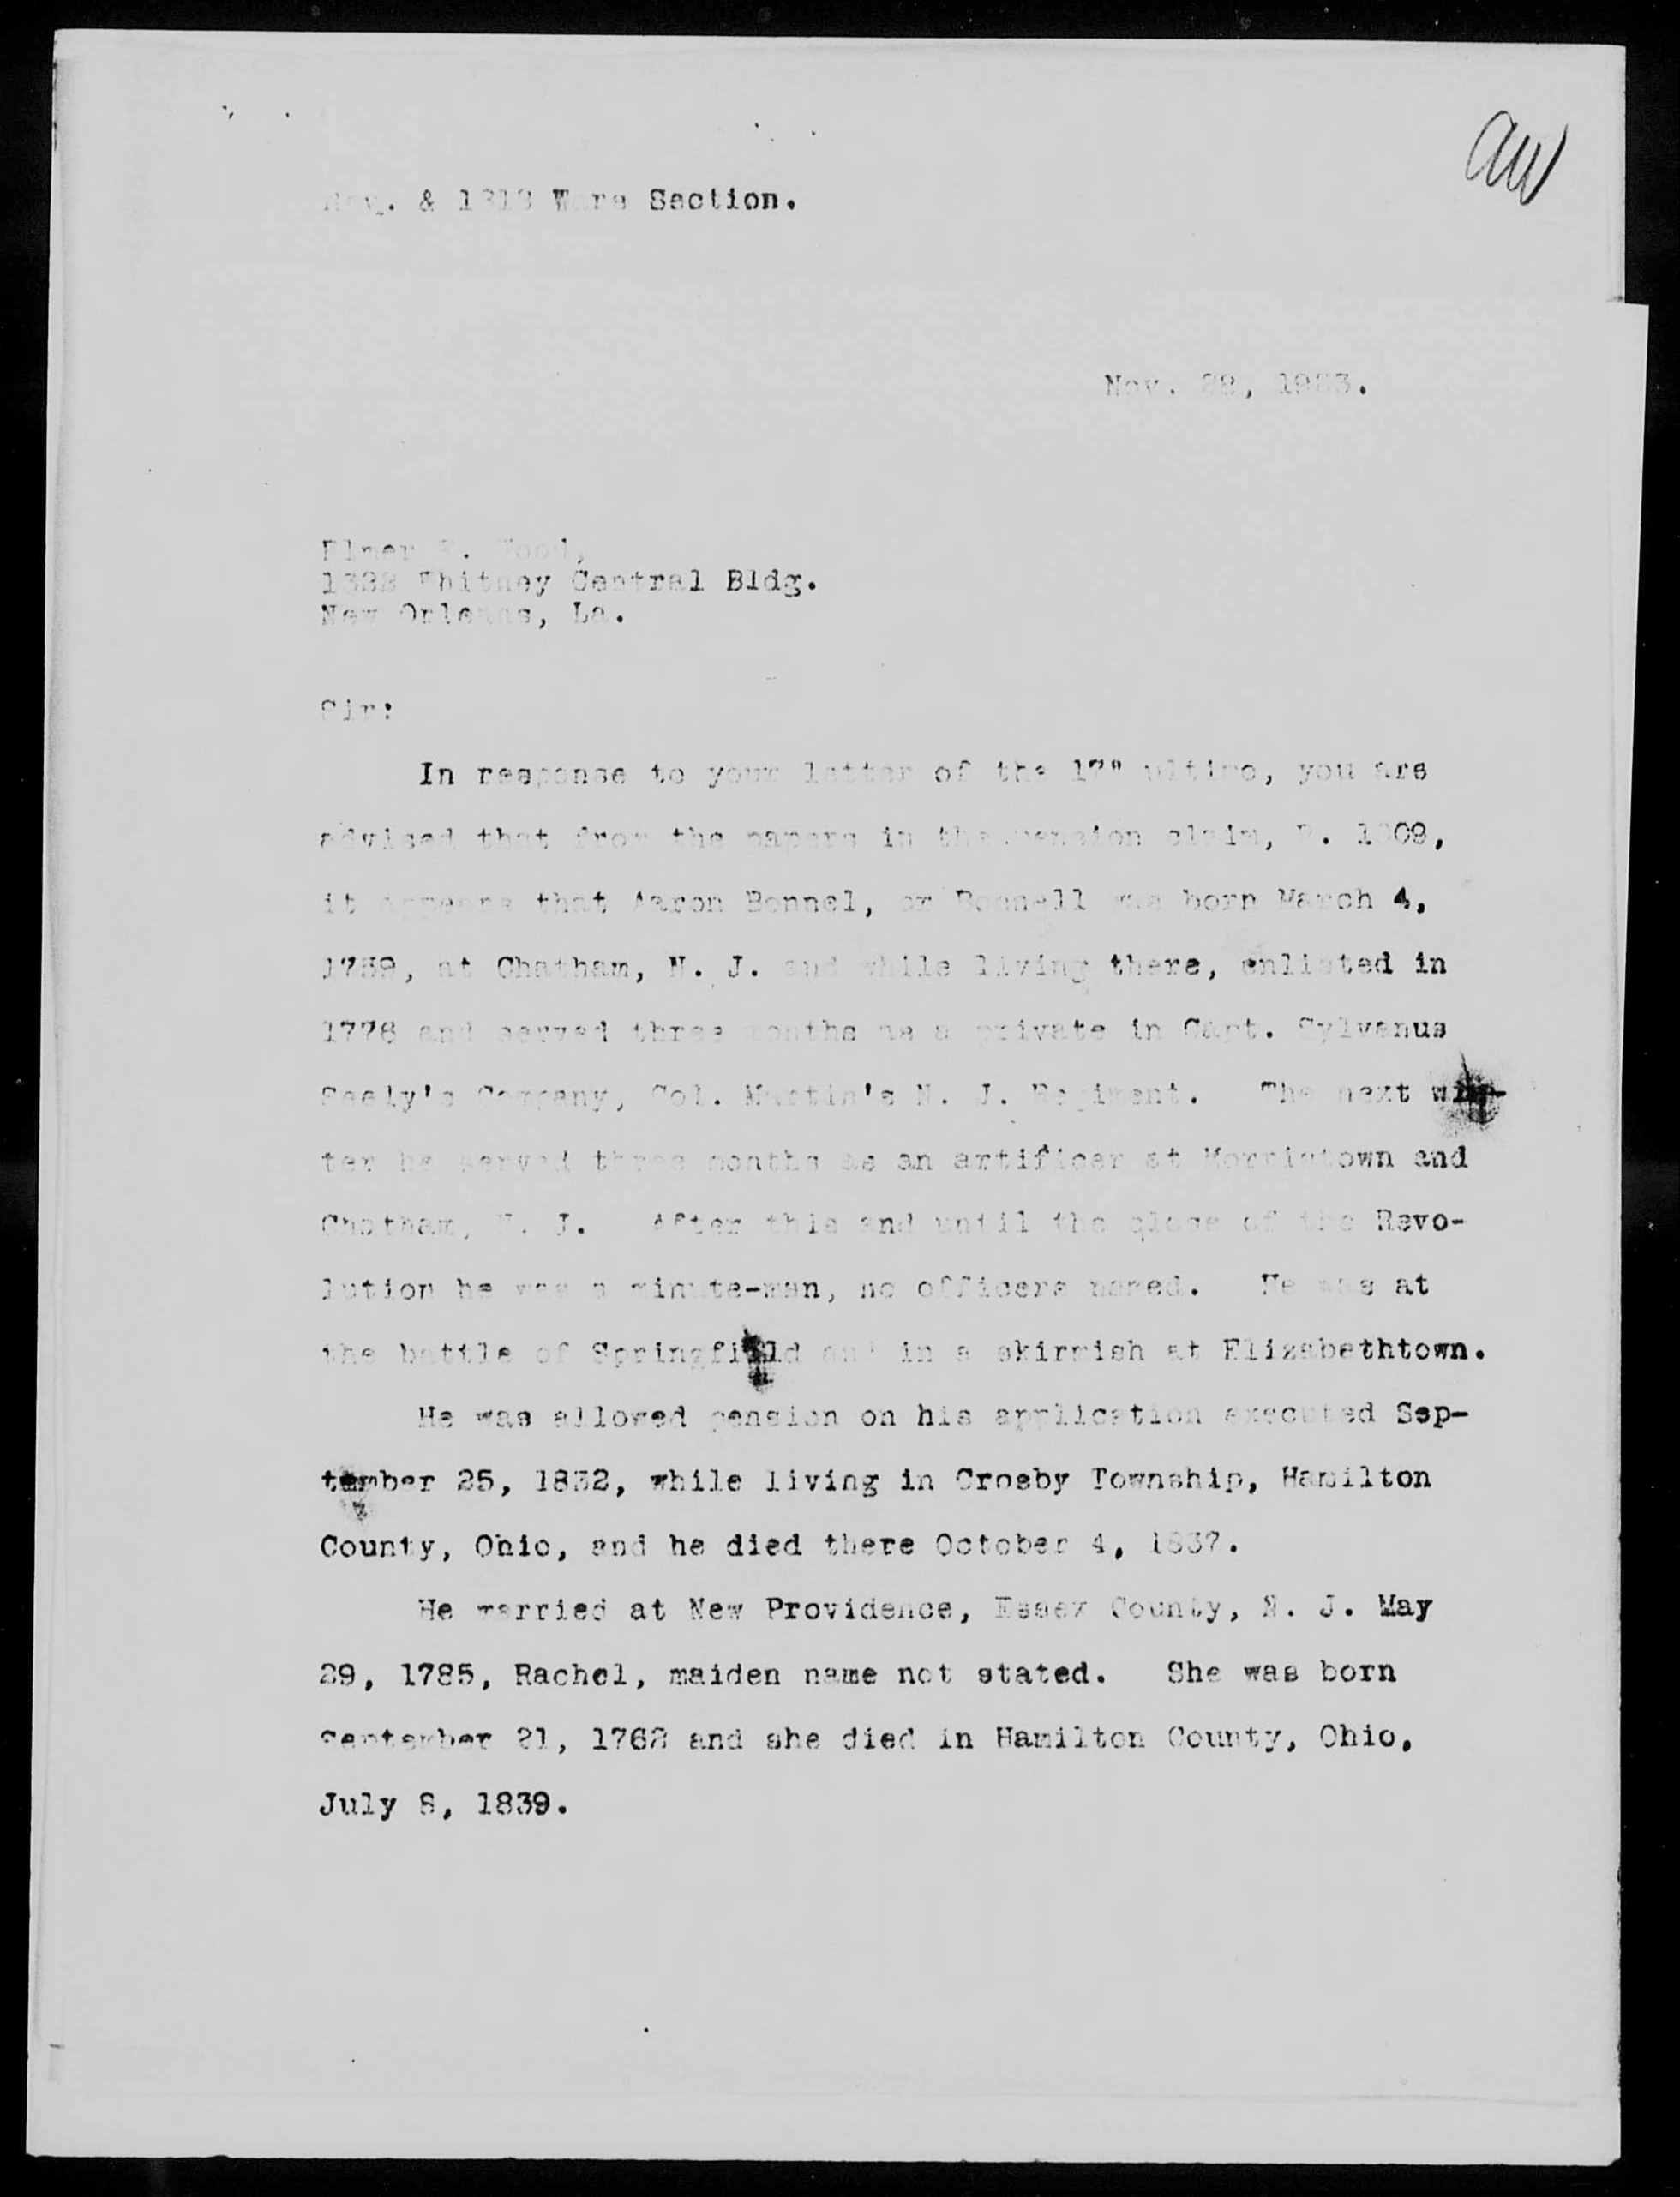Rev. & 1812 Wars Section

Nov 28, 1923

Elmer W Wood
1338 Whitney Central Bldg.
New Orleans, La.
Sir:  In response to your letter of the 17th ultimo, you are advised that from the papers in the Pension Claim R. 1009 it appears that Aaron Bonnel, or Bonnell was born March 4, 1759 at Chatham, N. J. and while living there, enlisted in 1776 and served three months as a private in Capt. Sylvanus Seely's Company, Col. Martin's N.J. Regiment.  The next winter he served three months as an artificer at Morristown and Chatham, N.J.  After this and until the close of the Revolution he was a minute-man, no officers named.  He was at the battle of Springfield and in a skirmish at Elizabethtown.  He was allowed pension on his application executed September 25, 1832, while living in Crosby Township, Hamilton County Ohio and he died there October 4, 1837.

He married at New Providence, Essex County, N. J. May 29, 1785, Rachel, maiden name not stated.  She was born September 21, 1762 and she died in Hamilton County, Ohio, July 8, 1839.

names: Aaron Bonnell, Elmer E Wood, Aaron Bonnel, Rachel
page: 64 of 67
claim: rejected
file: R. 1009, Aaron Bonnel, New Jersey